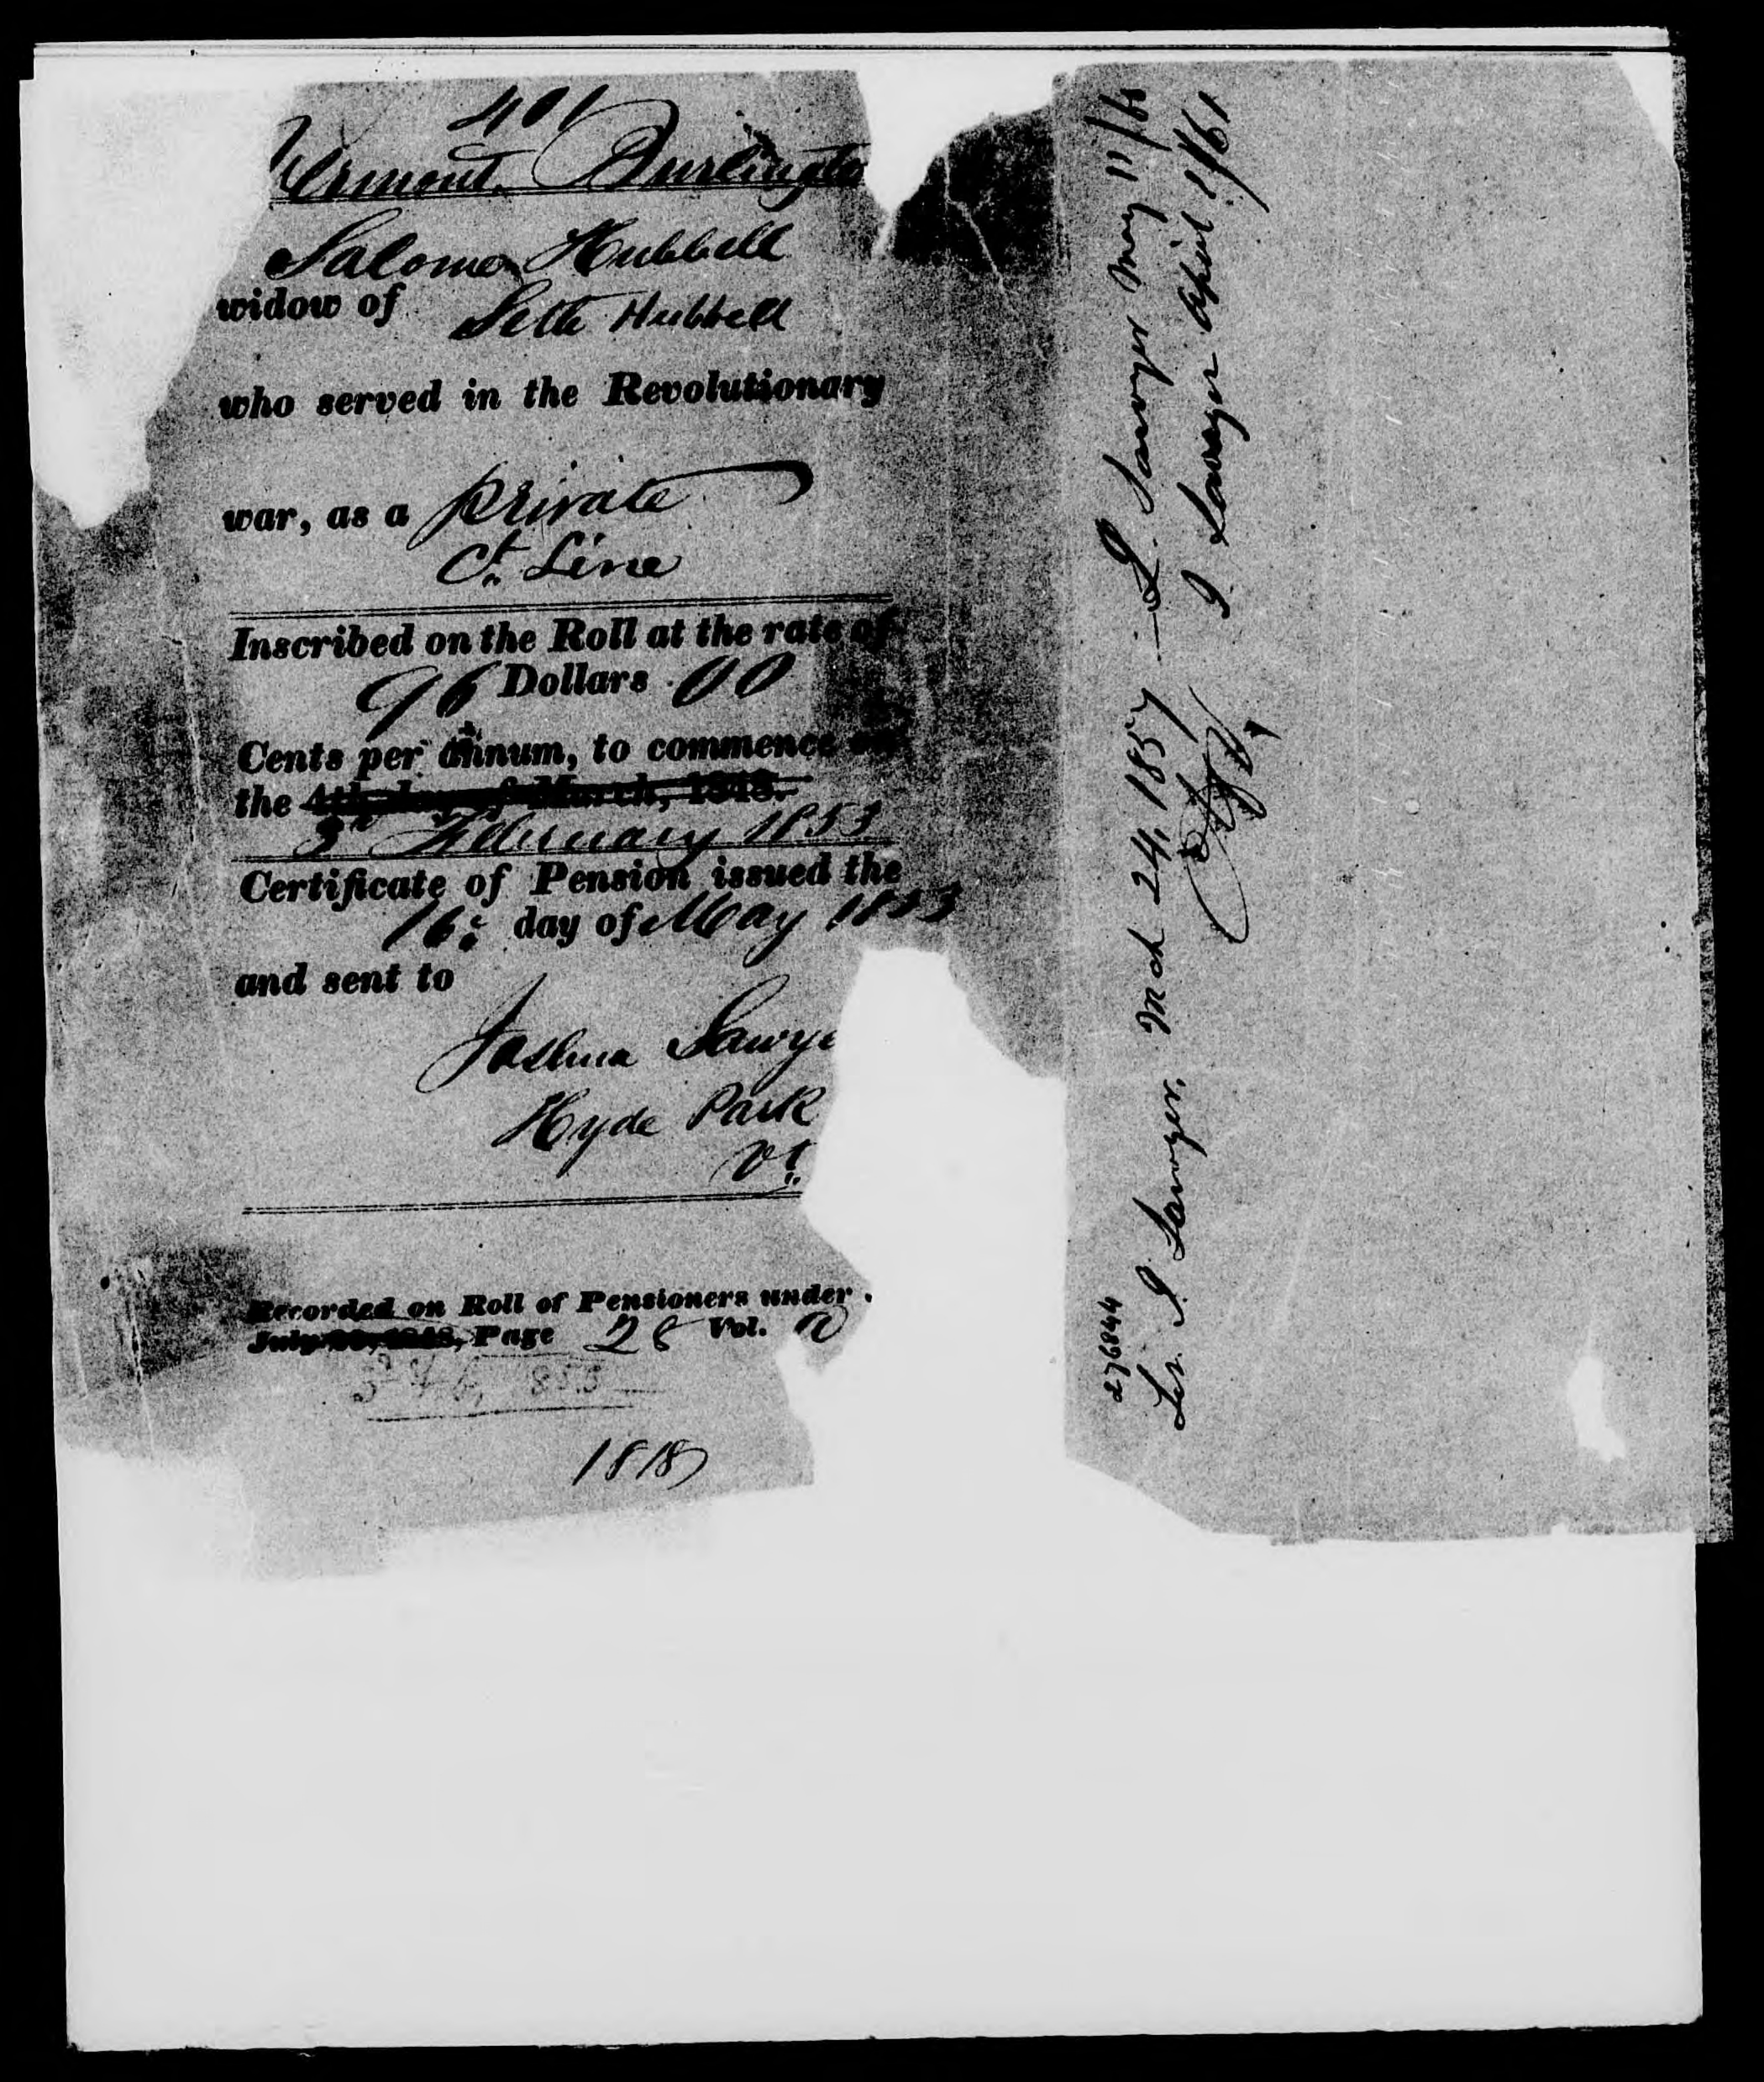401
Vermont, Burlington
Salome Hubbell
widow of Seth Hubbell
who served in the Revolutionary
war, as a private
Ct Line
Inscribed on the Roll at the rate of 
96 Dollars 00
Cents per annum, to commence
the 3rd February 1853
Certificate of Pension issued the
16: day of May 1823
and sent to
Joshua Sawyer
Hyde Park
Vt
Recorded on Roll of Pensioners under
July, Page 28 Vol. A
3 Feb, 1853
1818
276844
Lis. J. Sawyer, March 24, 1857 J. Sawyer May 11/60
J. Sawyer April 1/61
AFV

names: Seth Hubbell, Salome Hubbell, Hyde Park, Joshua Sawye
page: 4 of 114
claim: widow's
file: W. 2115, Seth Hubbell, Conn.